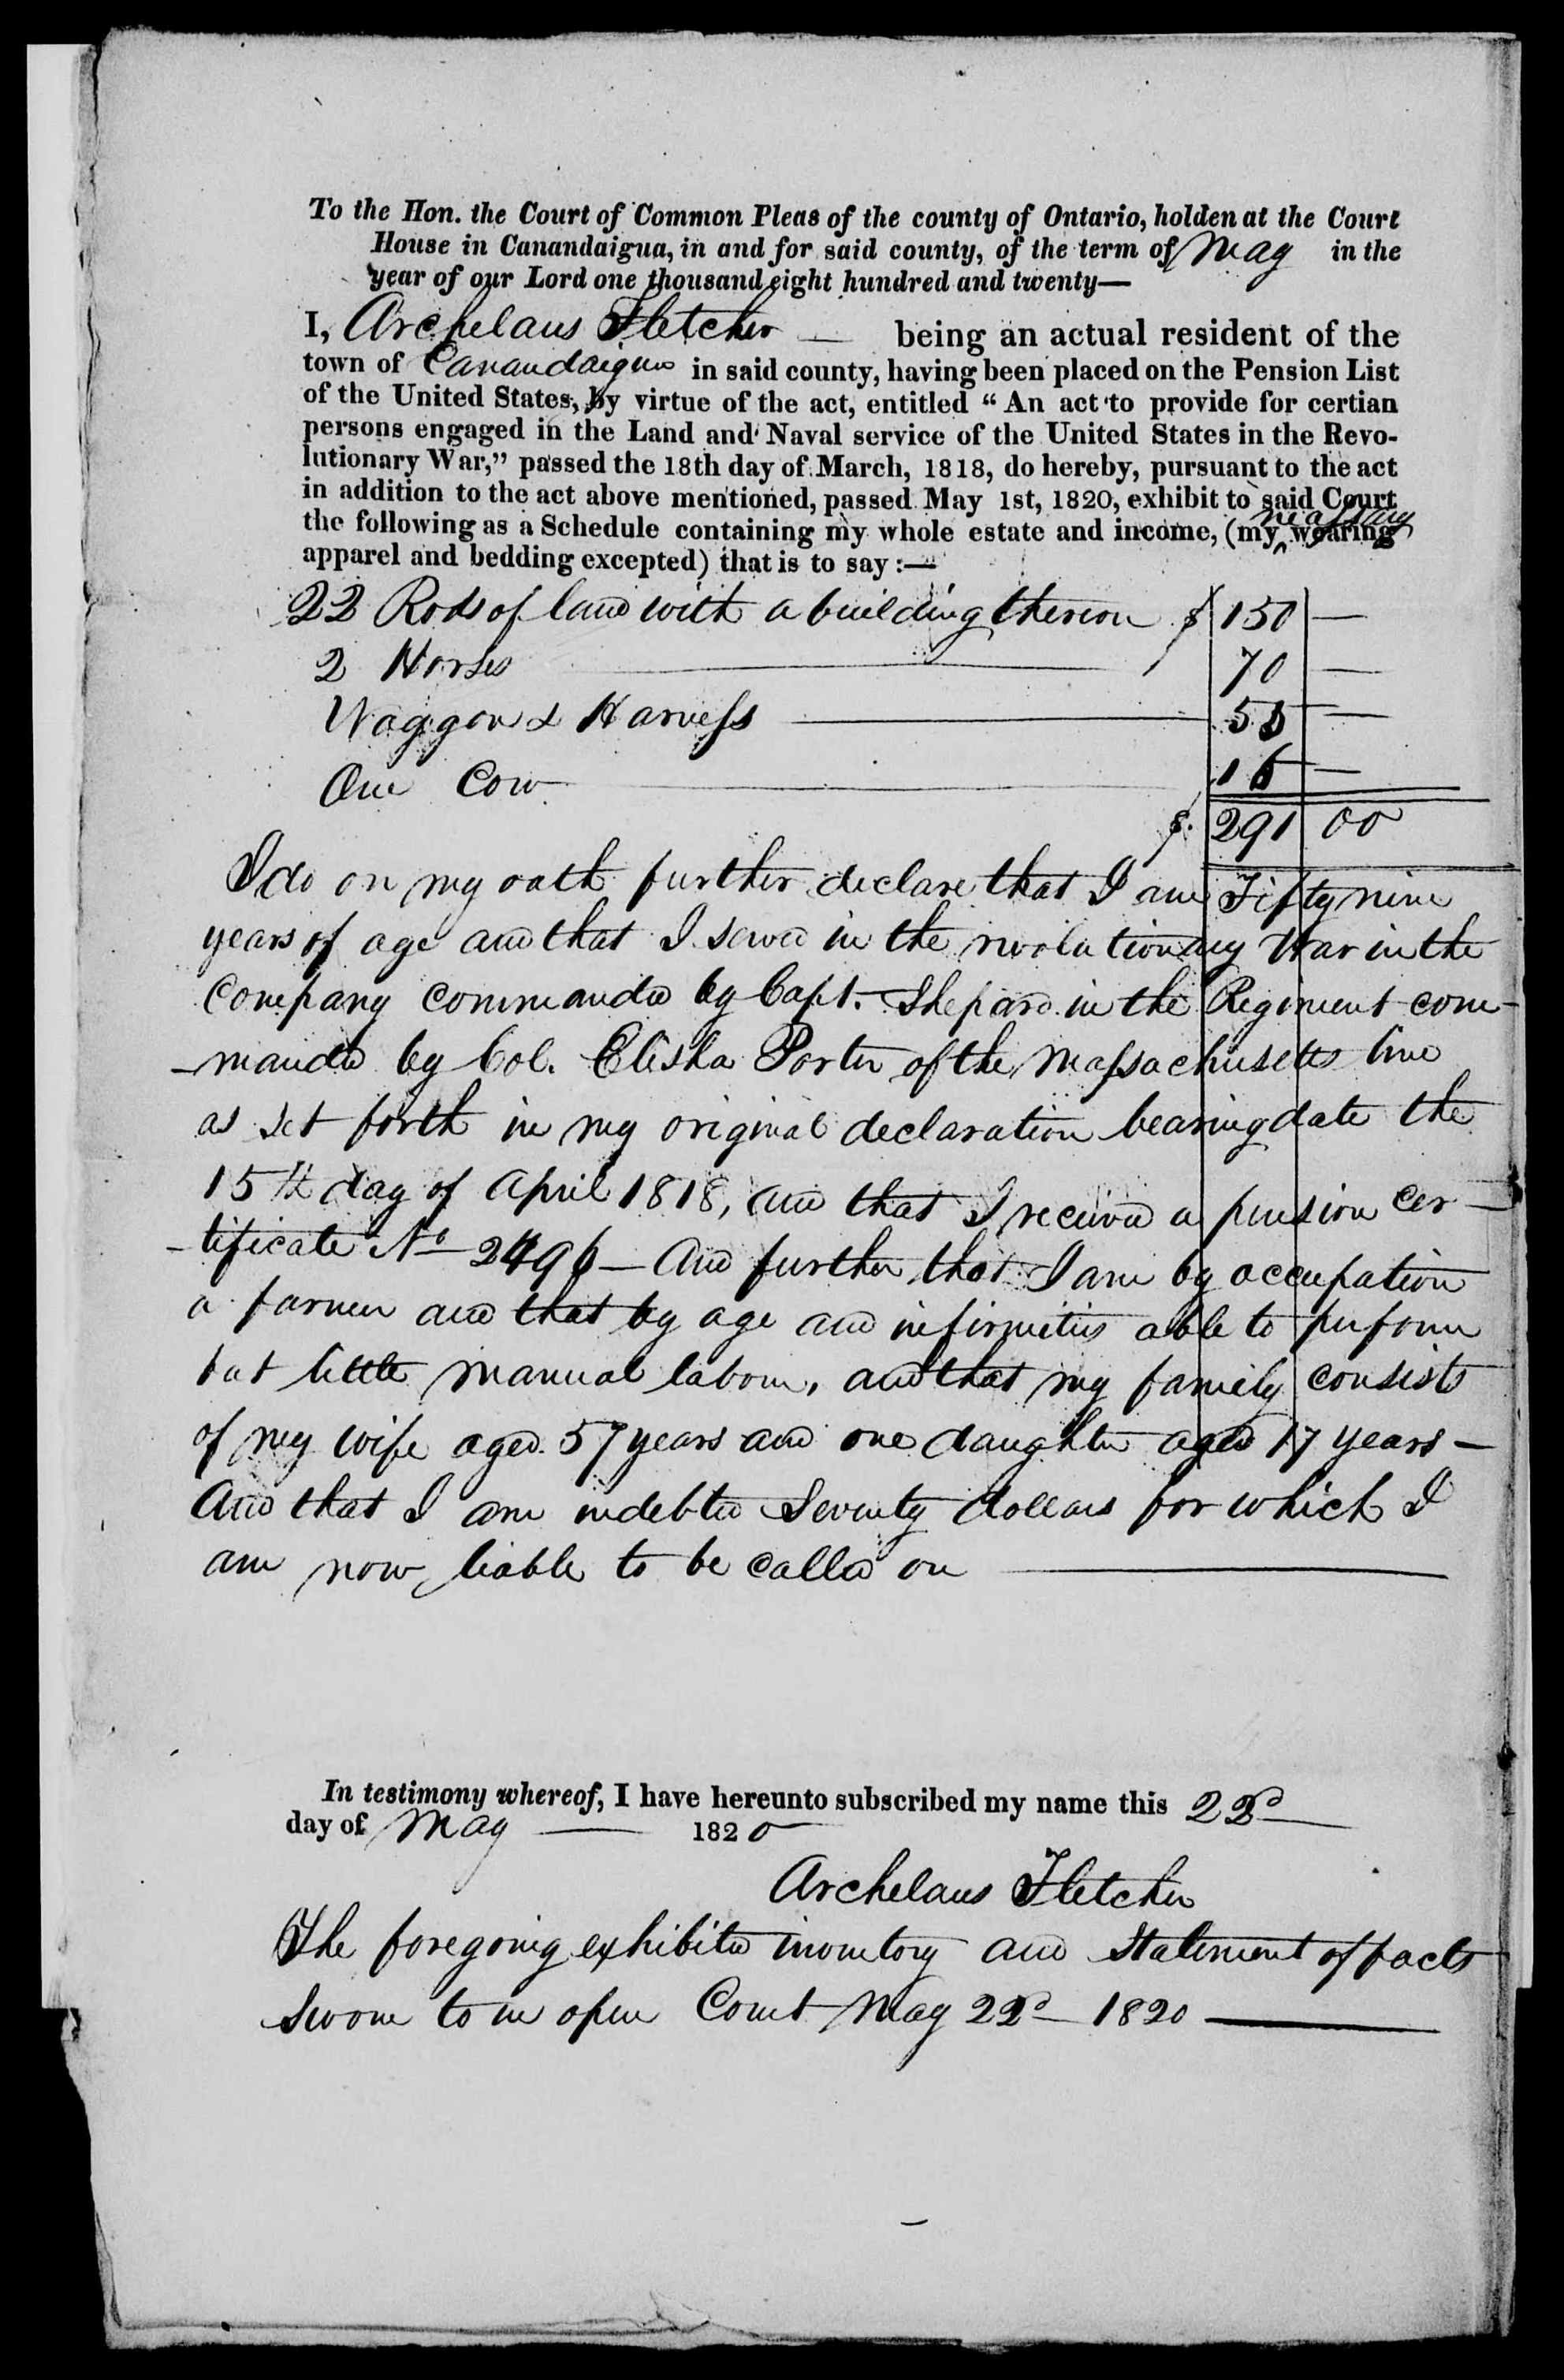To the Hon. the Court of Common Pleas of the county of Ontario, Holden at the Court House in Canadaigua, in and for said county, of the term of [handwritten] May [end of handwritten] in the year of our Lord one thousand eight hundred and twenty 
I, [handwritten] Archelaus Fletcher [end of handwritten] being an actual resident of the town of [handwritten]  Canadaigua [end of handwritten] in said county, having been placed on the Pension List of the United States, by virtue of the act, entitled “An act to provide for certain persons engaged in the Land and Naval service of the United States in the Revolutionary War,” passed the 18th day of March, 1818, do hereby, persuant to the act in addition to the act above mentioned, passed May 1st, 1820, exhibit to said Court the following as a Schedule containing my whole estate and income, (my [illegible handwritten] wearing apparel and bedding excepted) this is to say :-
[handwritten]
22 Rods of land with a building therein | $150
2 Horses | 70
Wagon and Harness | 55
One Cow | 16
| $291 | 00

I do on my oath further declare that I am fifty nine years of age and that I served in the revolutionary war with company commanded by Capt. Shepard in the Regiment commanded by Col. Clisha Porlin of the Massachusetts live as set forth in my original declaration bearing date the 15th day of April 1818, and that I received a pension certificate No 2496 and further that I am by occupation a farmer and that by age and infirmities am able to perform but little manual labor, and that my family consists of my wife aged 57 years and one daughter aged 17 years  and that I am indebted Seventy dollars for which I am now liable to be called on 

In testimony whereof, I have hereunto subscribed my name this 22nd day of May 1820
Archelaus Fletcher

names: Shepard, Elisha Porter, Archelaus Fletcher, Archelaus Fletcher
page: 14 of 18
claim: survivor's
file: S. 44822, Archelaus Fletcher, Mass.